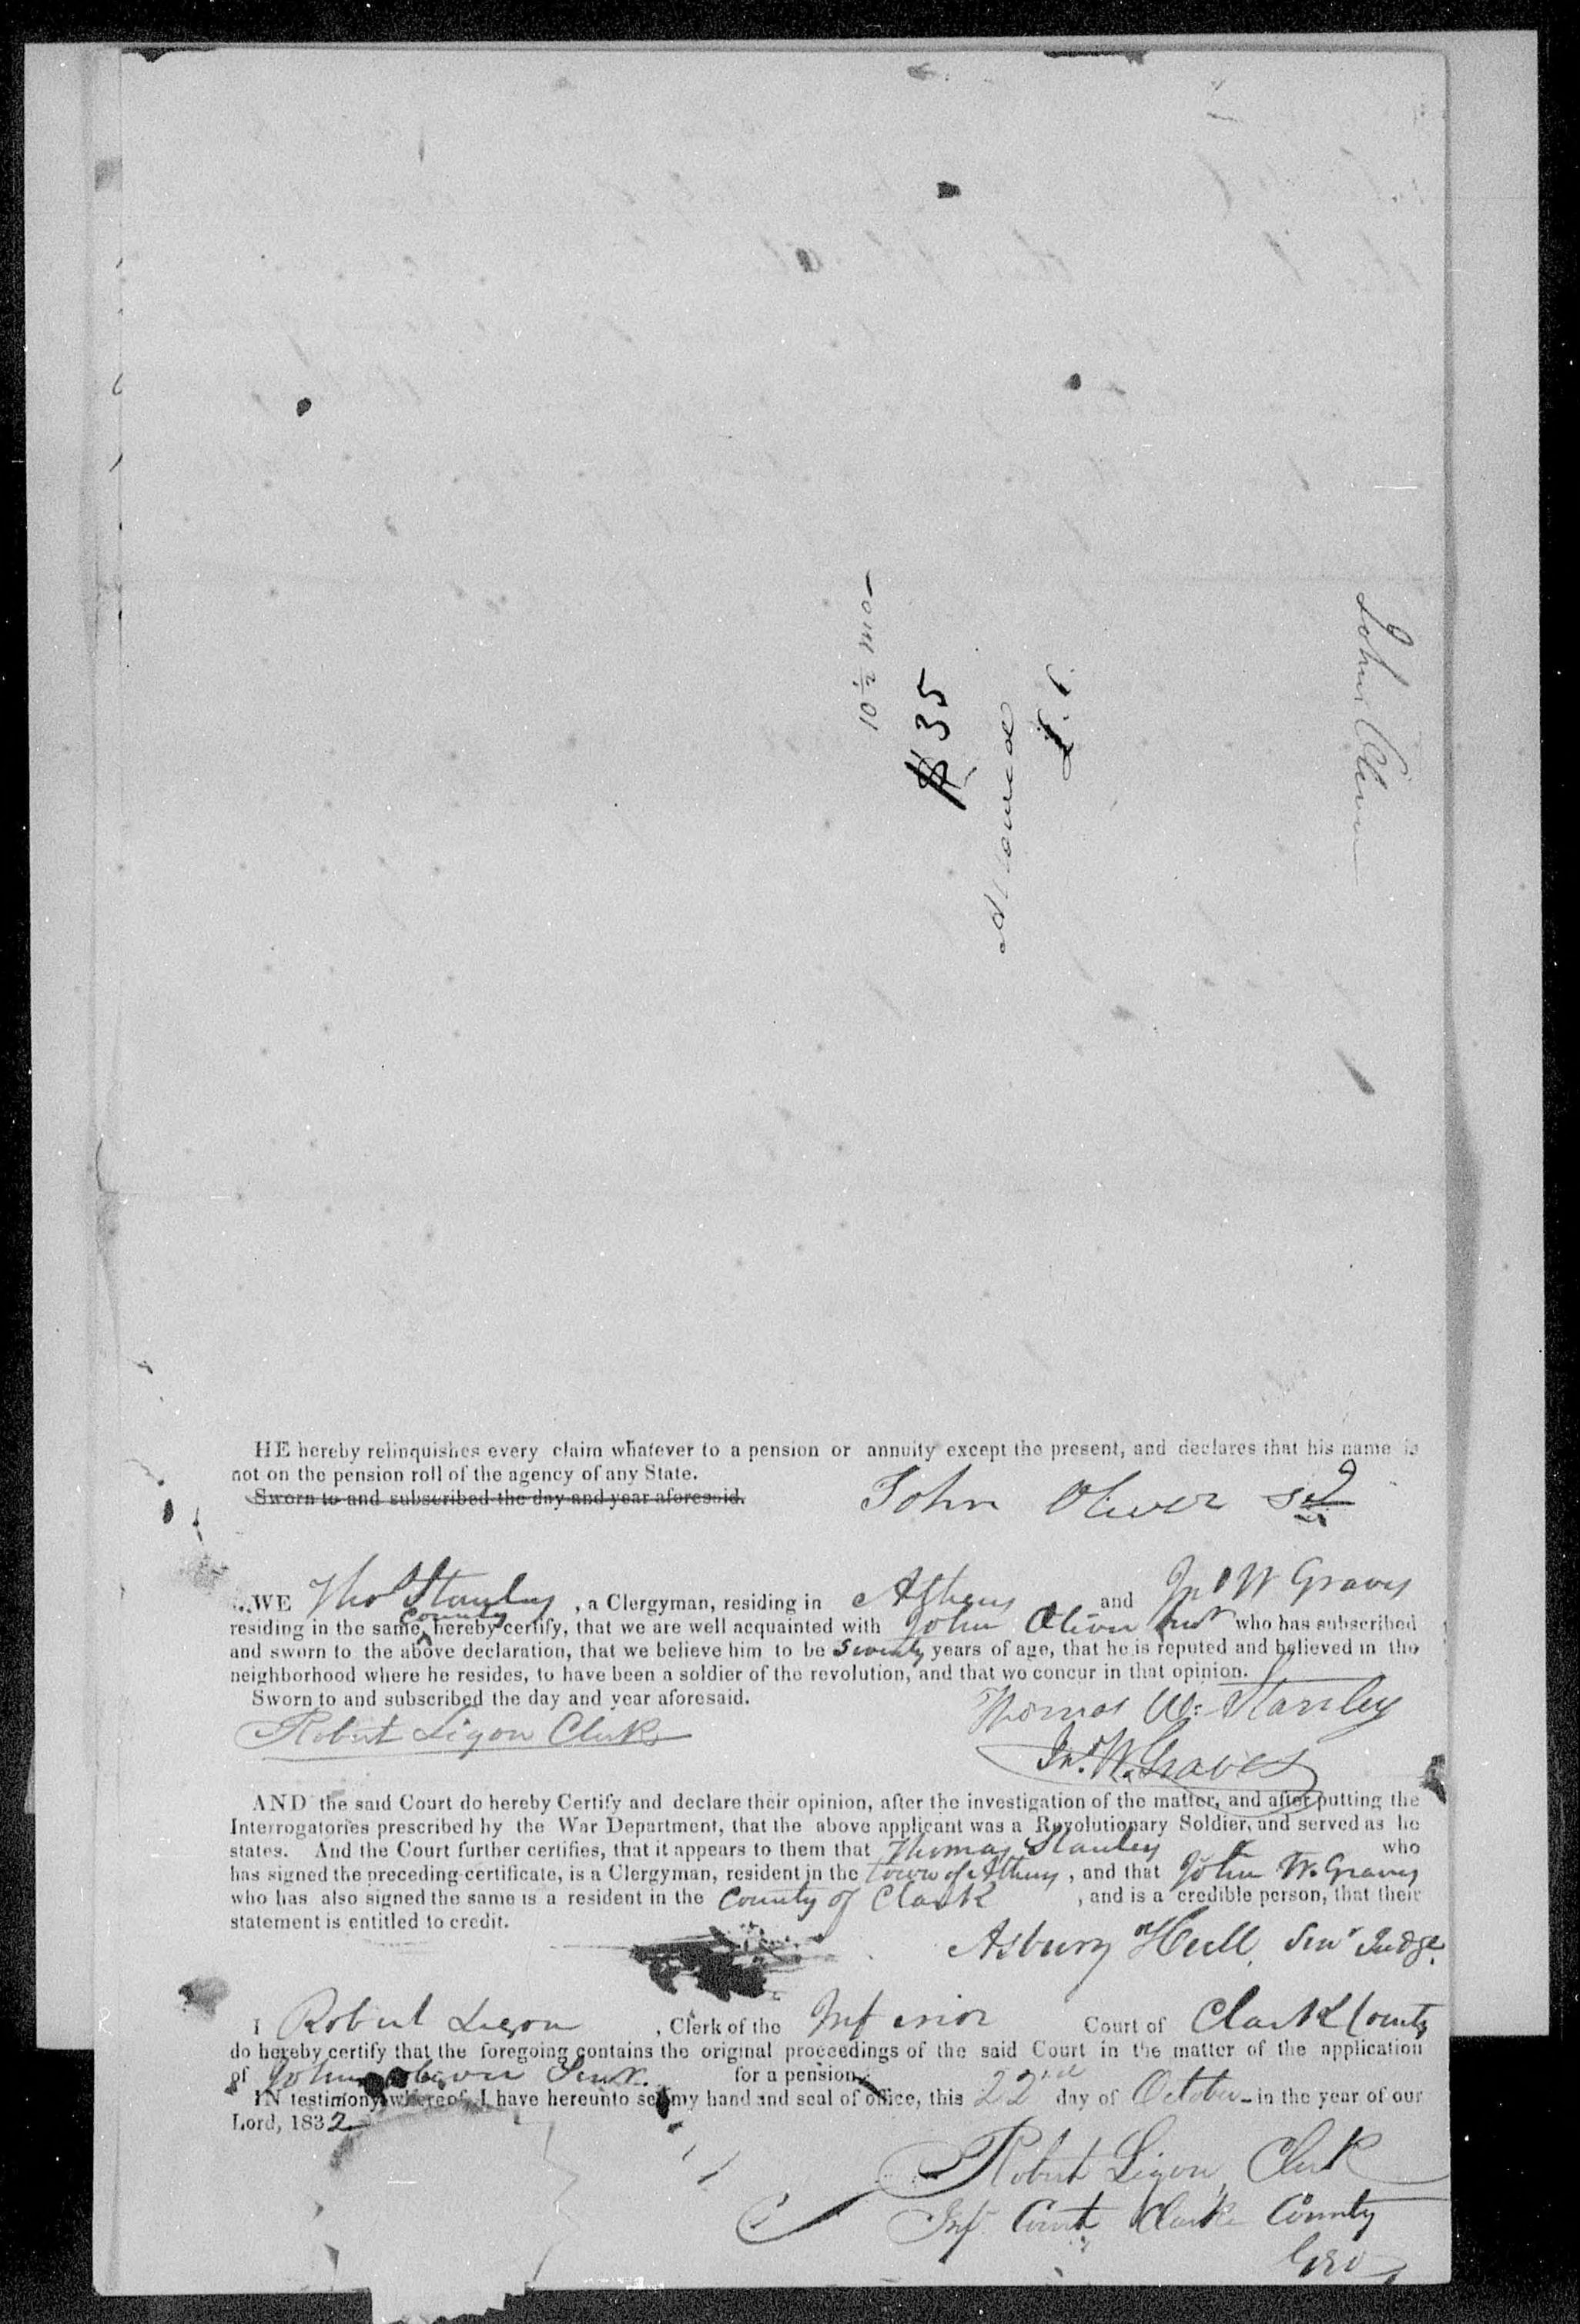10 1/2 mos
$35
Allowance
L.C.

John Oliver

HE hereby relinquishes every claim whatever to a pension or annuity except the present, and declares that his name is not on the pension roll of the agency of any State
                    John Oliver Sr.

     We Thos Stanley, a Clergyman, residing in Athens and Jno W Graves residing in the same county hereby certify, that we are well acquainted with John Oliver Sen who has subscribed and sworn to the above declaration, that we believe him to be seventy years of age, that he is reputed and believed int he neighborhood where he resides, to have been a soldier of the revolution, and that we concur in that opinion.
                         Thomas W. Stanley
                          Jno. W. Graves
Robert Ligon Clerk

AND the said Court do hereby Certify and declare their opinion, after the investigation of the matter, and after putting the Interrogatories prescribed by the War Department, that the above applicant was a Revolutionary Soldier, and served as he states.  And the Court further certifies, that it appears to them that Thomas Stanley who has signed the preceding certificate, is a Clergyman, resident in the Town of Athens, and that John W. Graves who has also signed the same is a resident in the County of Clark, and is a credible person, that their statement is entitled to credit.
                           Asbury Hull, Sen. Judge

I Robert Ligon, Clerk of the interior Court of Clark County do hereby certify that the foregoing contains the original proceedings of the said Court in the matter of the application of John Oliver Senr for a pension.
     IN testimony whereof, I have hereunto set my hand and seal of office, this 22nd day of October in the year of our Lord, 1832.
(seal)
                                Robert Ligon Clerk
                                Int. Court Clarke County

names: Thos Stanley; Asbury Hull; Thomas W Stanley; John Oliver; Robert Ligon; Jno W Graves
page: 7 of 32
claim: survivor's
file: S. 31888, for John Oliver, North Carolina